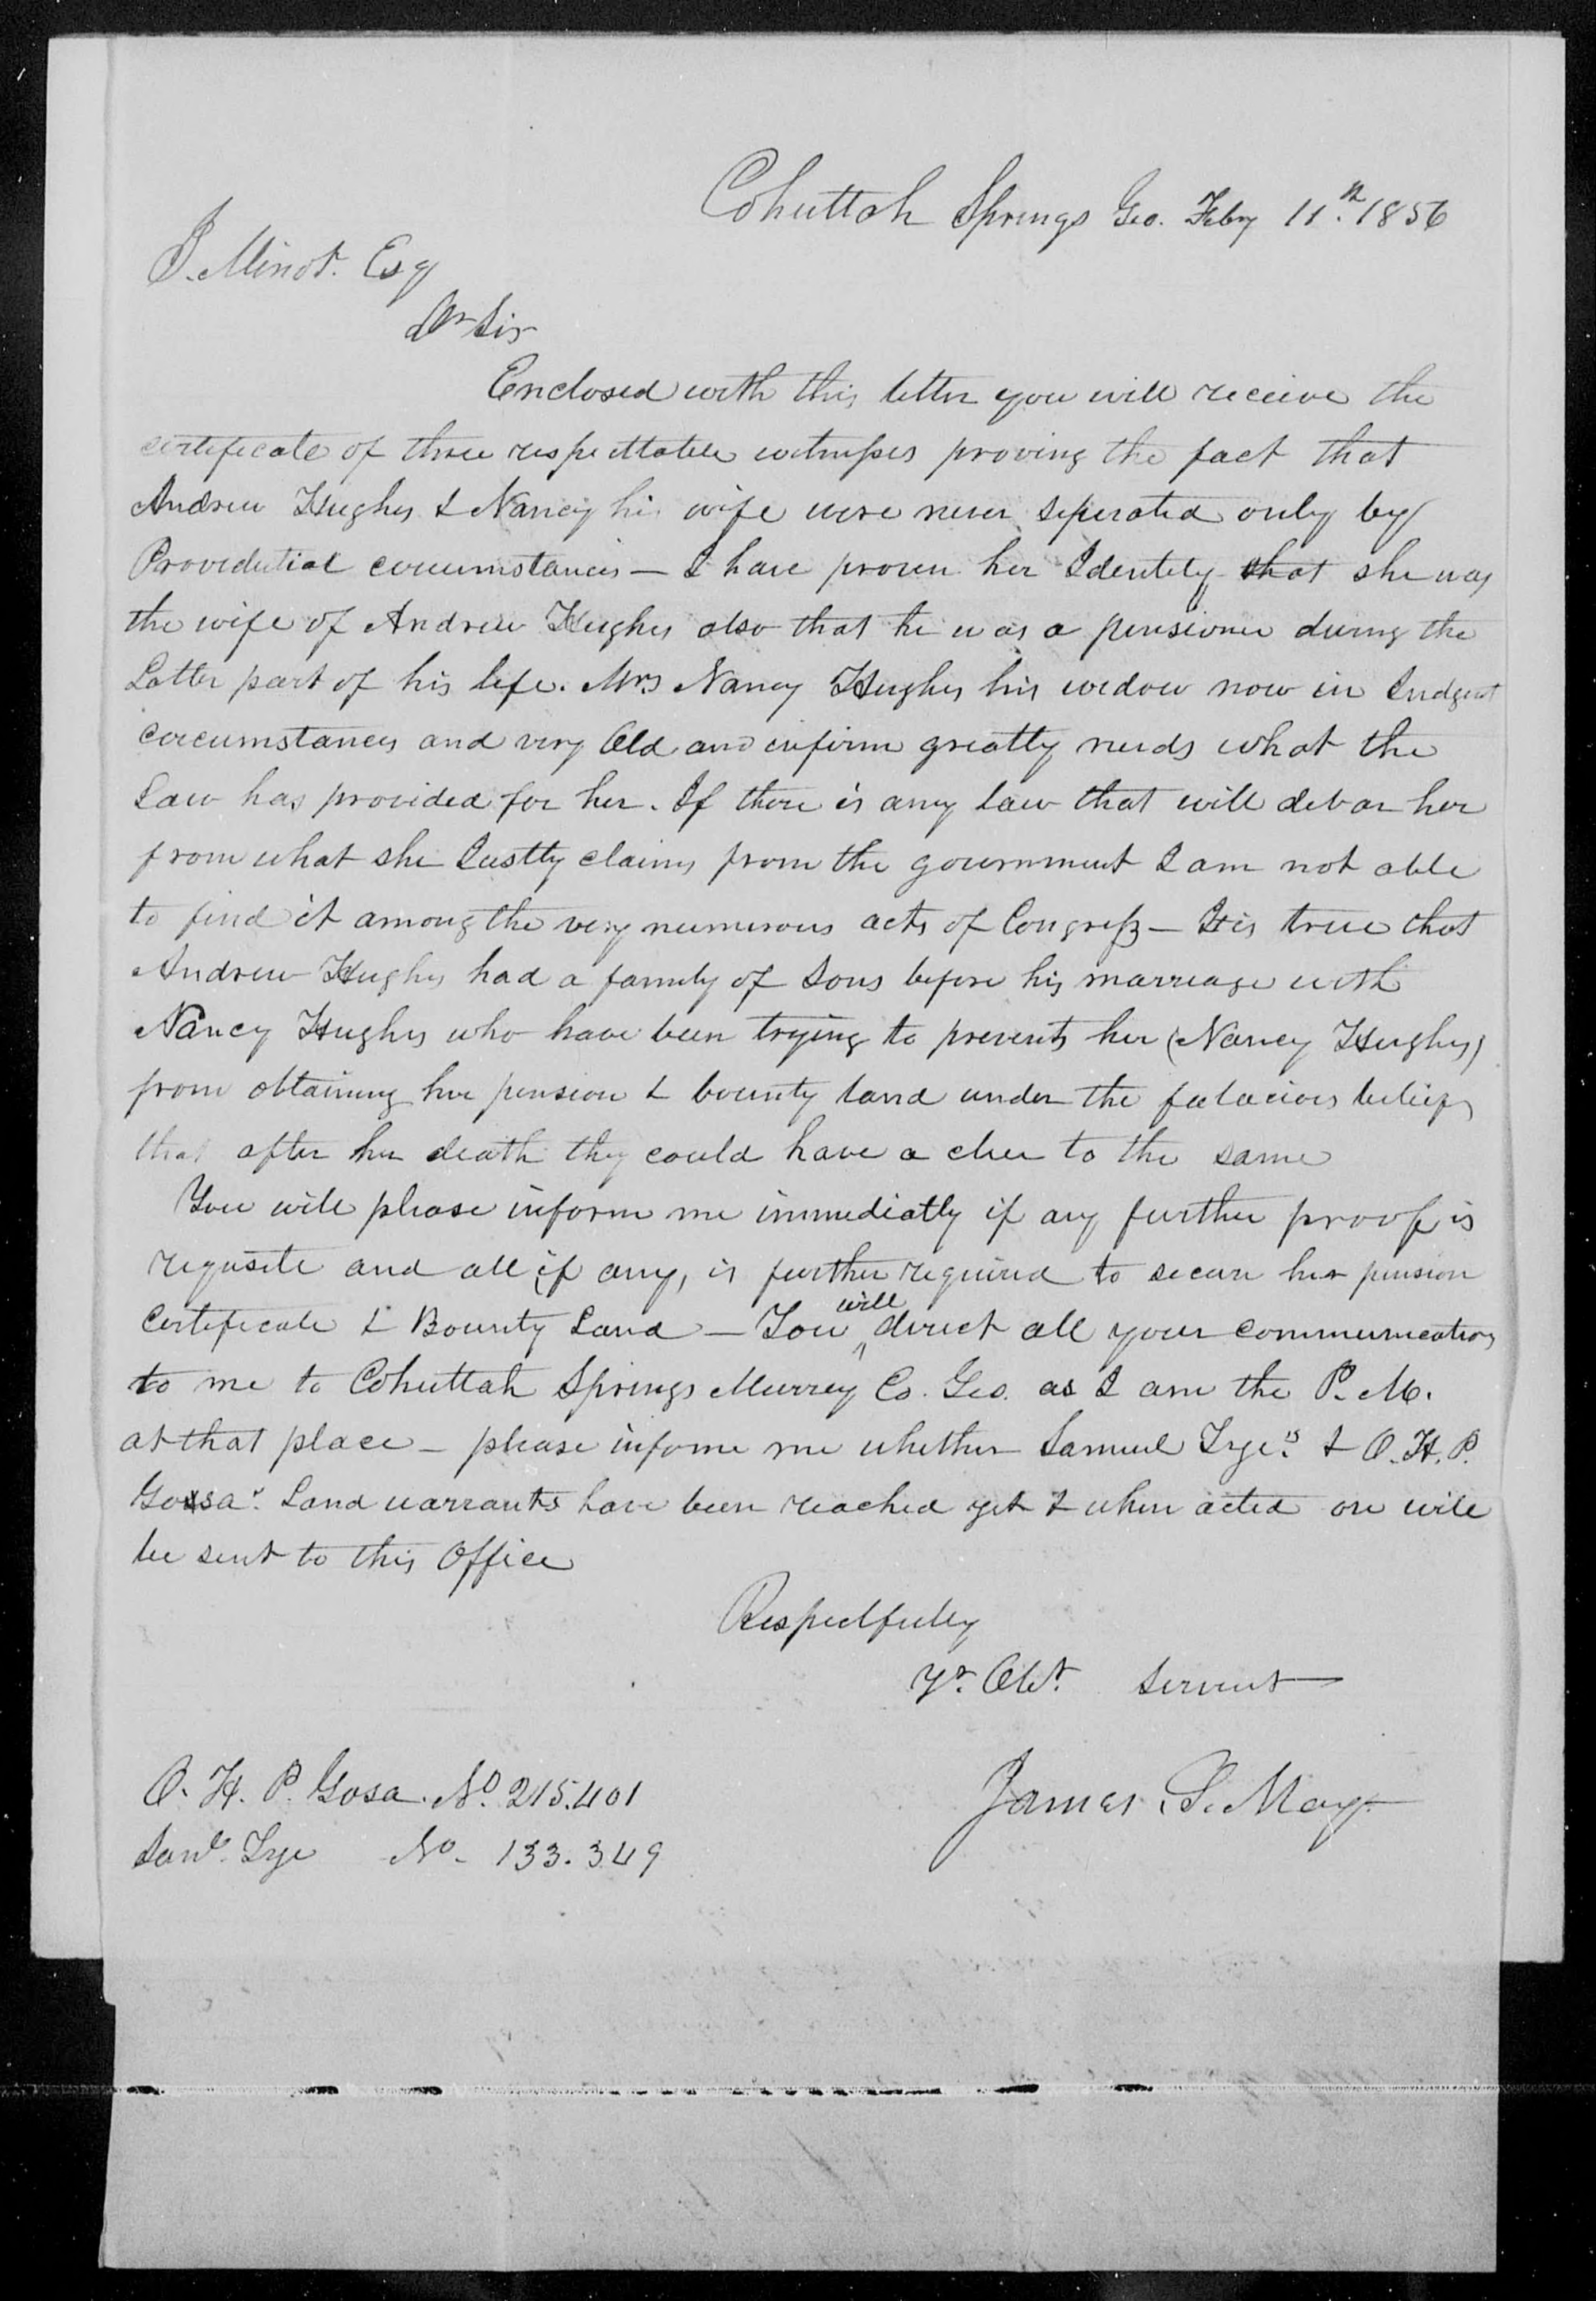Cohuttah Springs, GA, Feby 11th, 1856

_  Minot Esq
Dear Sir
Enclosed with this letter you will receive the
certificate of those respectable witnpses proving fact that
Andrew Hughes and Nancy his wife were never seperated only by
Providential circumstances. I have proven her identity that she was
the wife of Andrew Hughes also that he was a pensioner during the
latter part of this life.  Mrs. Nance Hughes his widow now in indgent
circumstances and very old and infirm greatly needs what the
law has provided for her.  If there is any law that will ___ her
from what she lastly claims from the government I am not able
to find it among the very numerous acts of Congress. It is true that
Andrew Hughes had a family of Sons before his marriage with 
Nancy Hughes who have been trying to prevent her (Nancy Hughes)
from obtaining her pension and bounty land under the fallacious belief
that after his death they could have a ____ to the same.
You will please inform me immediately if any further proof is
requisite and all if any, is further required to secure her pension
certificate and bounity Land- You will direct all your communications
to me to Cohuttah Springs, Murrey Co. Geo. as I am the P. M.
at that place. Please inform me whether Samuel Tye and O.H.P.
Gossa Land warrants have been reached you and when acted on will
be sent to this office

Respectfully
Y.____  Servant
James S. May

O.H.P Gosa   No 215401
Sam. Tye   No. 1333.349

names: Nancy Hughes, J Minot, Andrew Hughes, James S May, Samuel Tye, O H P Gossa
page: 47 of 75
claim: widow's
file: W. 25805, Andrew Hughes, N.C.